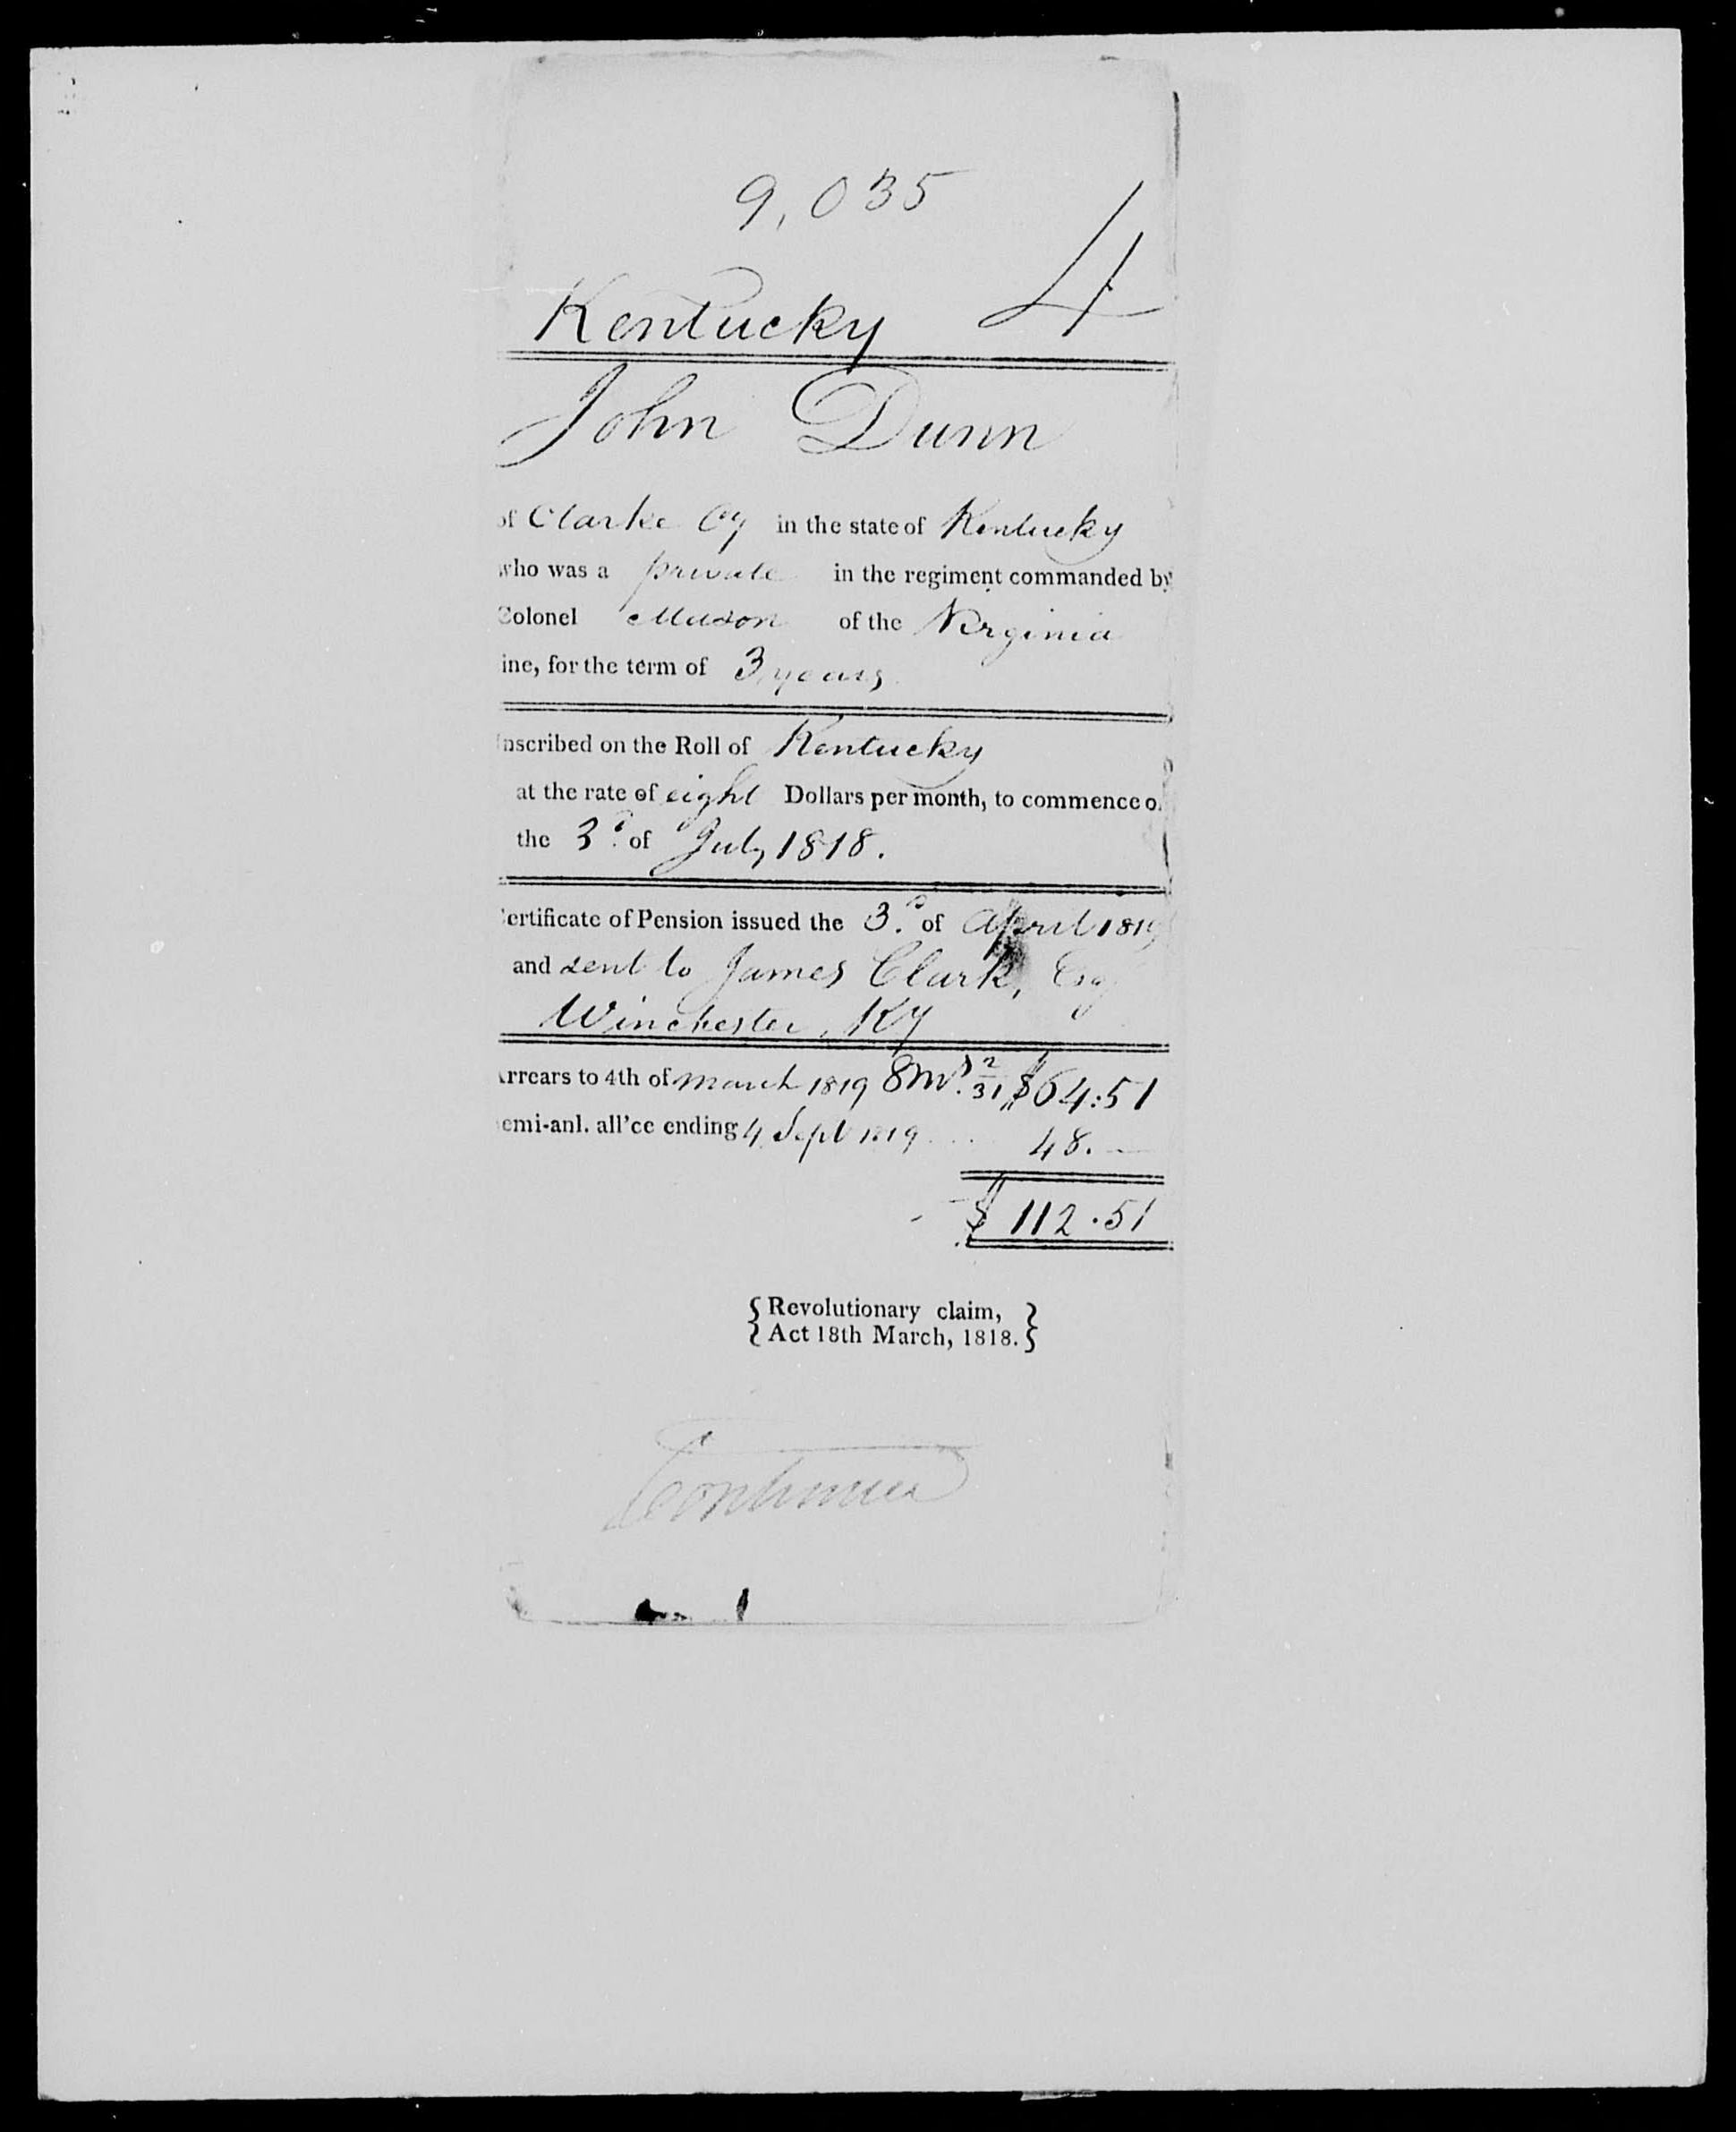9,035
Kentucky 4
John Dunn
of Clarke Cy in the state of Kentucky
who was a private in the regiment commanded by
Colonel Mason of the Virginia 
line, for the term of 3 years
Inscribed on the Roll of Kentucky
at the rate of eight Dollars per month, to commence on
the 3d of July 1818.
Certificate pf Pension issued the 3d of April 1819
and sent to James Clark, Esq
Winchester, Ky
Arrears to 4th of March 1819 8 ms. 2/31 $64.51
Semi-anl. all'ce ending 4 Sept 1819 [$]48.
$112.51

{Revolutionary claim, Act 18th March, 1818}

Continued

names: Mason, James Clark, John Dunn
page: 2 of 23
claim: survivor's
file: S 35903, John Dunn, Va.